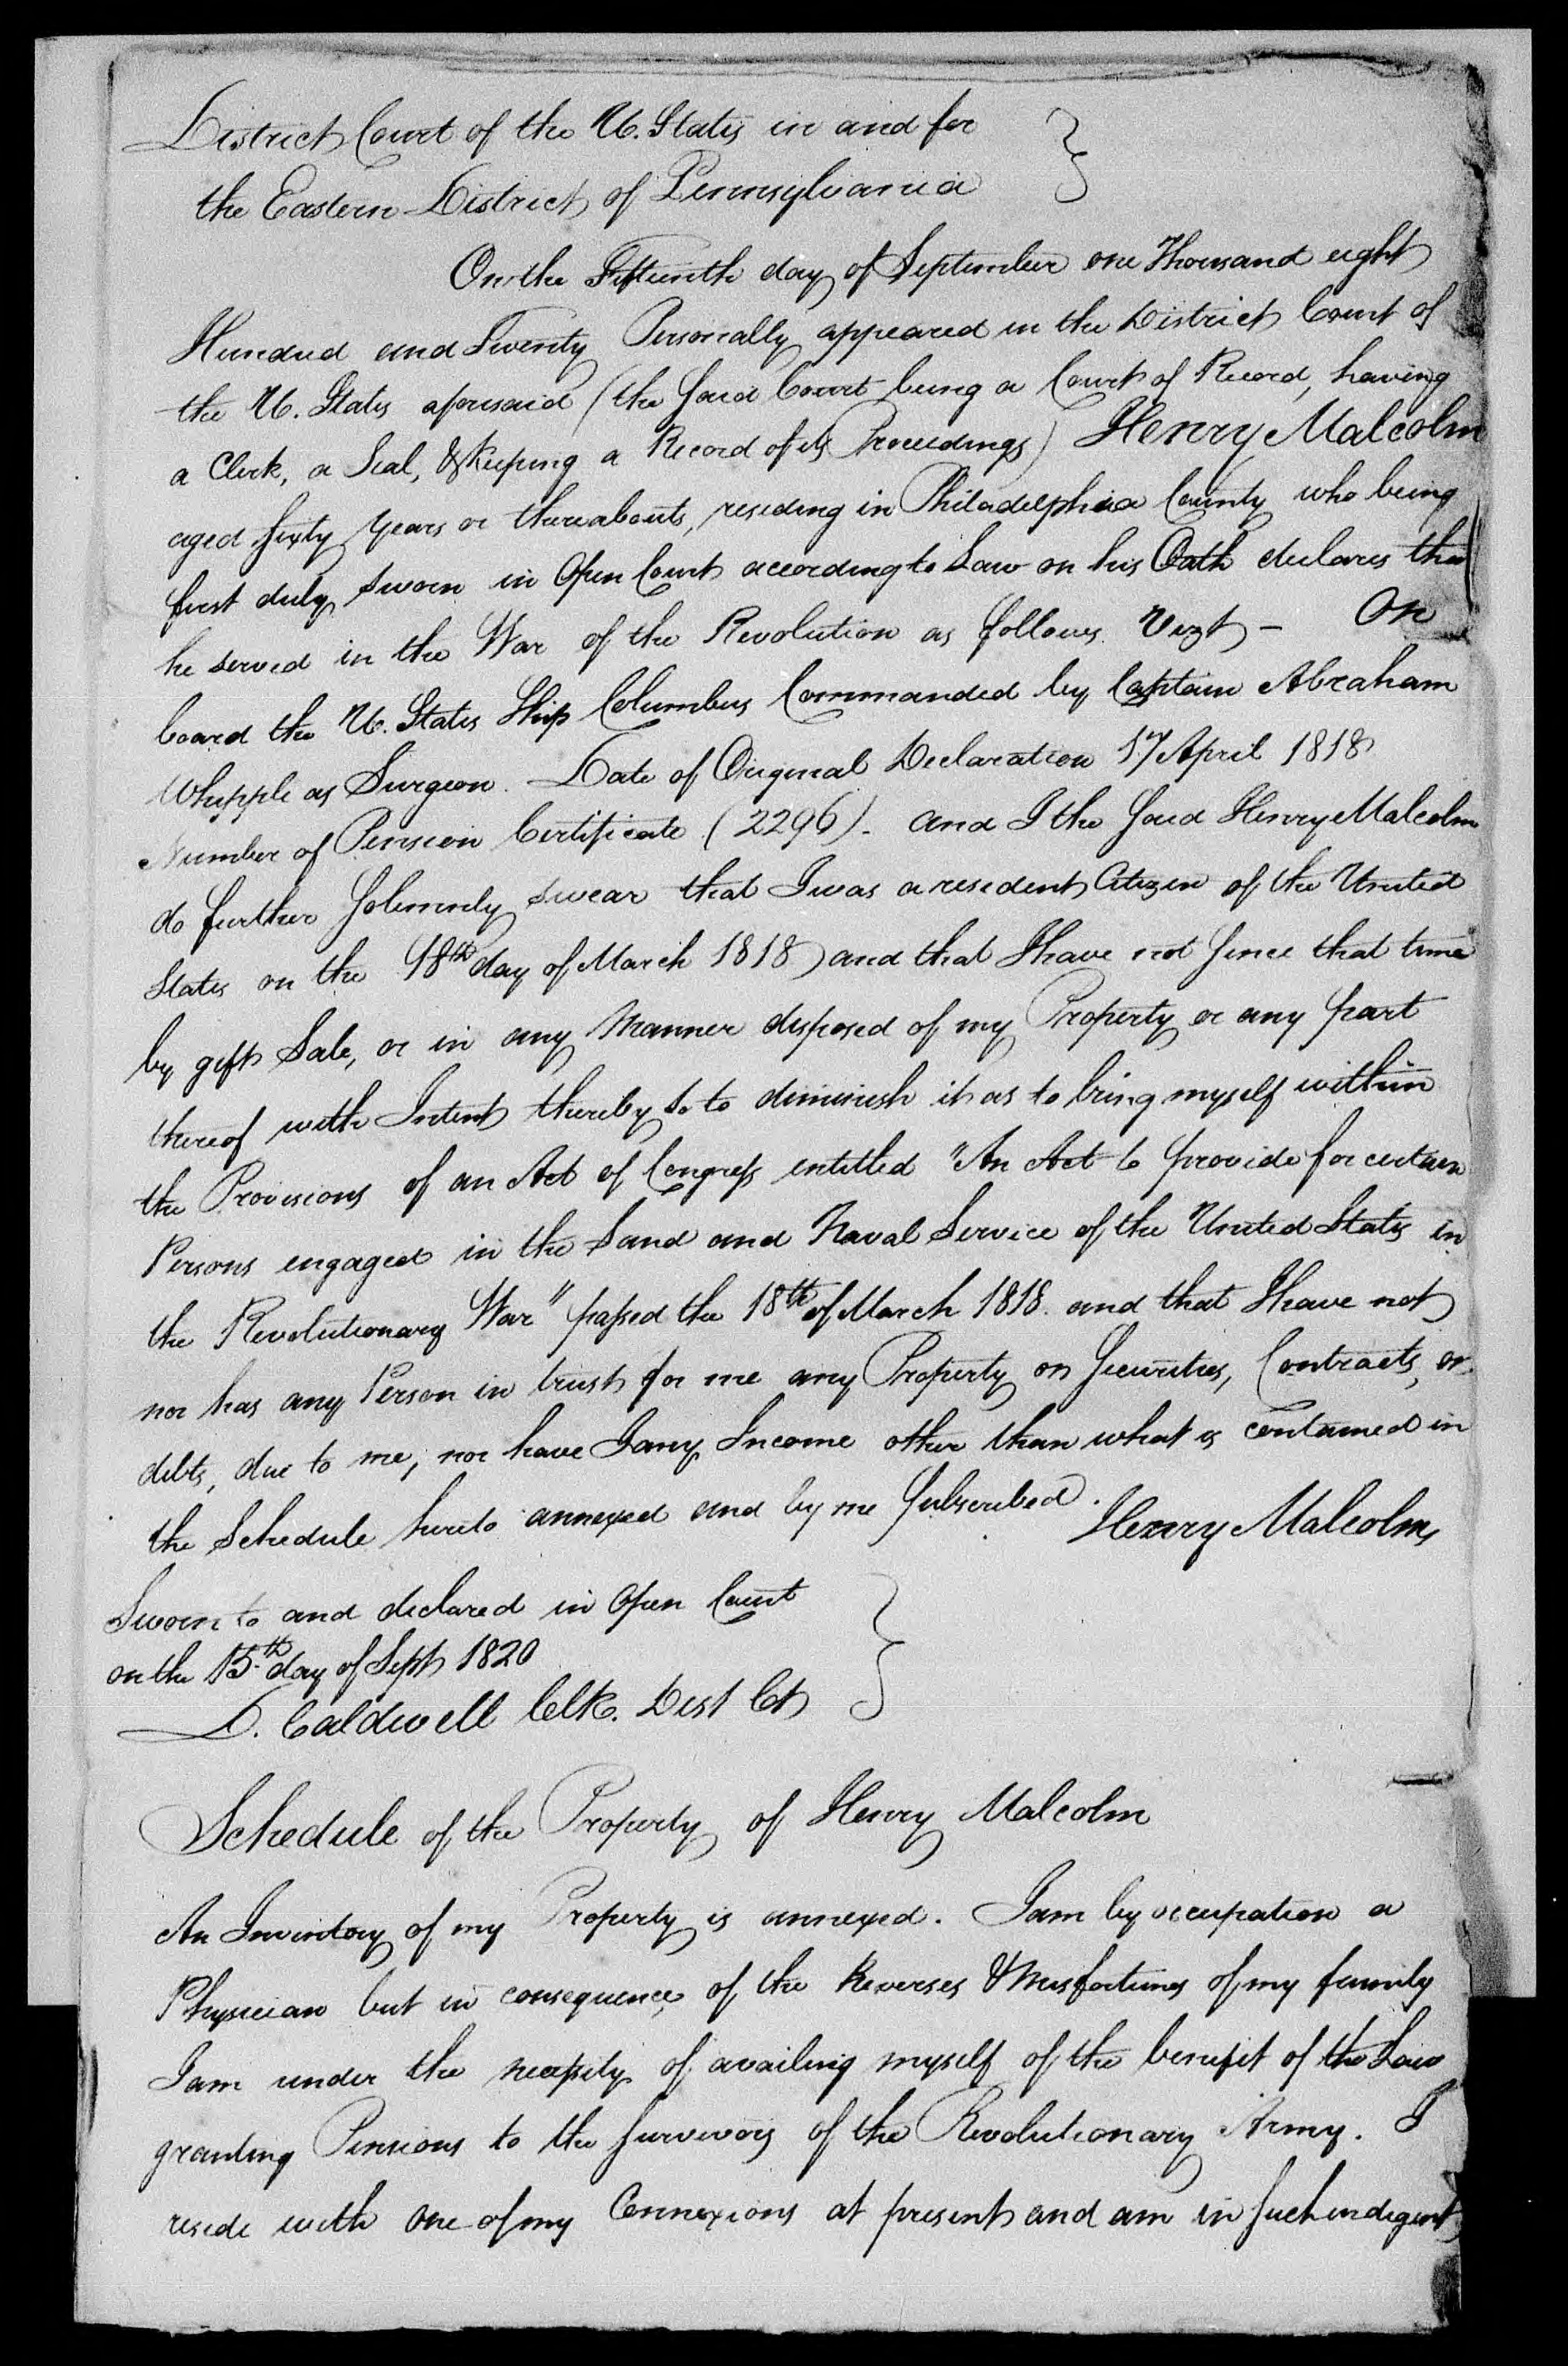District Court of the U. States in and for the Eastern District of Pennsylvania

On the Fifteenth day of September one Thousand eight Hundred and Twenty Personally appeared in the District Court of the U. State aforesaid (the said Court being a Court of Record, having a Clerk, a Seal, & keeping a Record of its proceedings) Henry Malcolm aged sixty years or thereabouts, residing in Philadelphia County who being first duly sworn in open Court according to Law on his Oath declares that he served in the War of the Revolution as follows Viz.

On board the U. States Ship Columbus Commanded by Captain Abraham Whipple as Surgeon. Date of Original Declaration 17 April 1818, Number of Pension Certificate (2296). and I the said Henry Malcolm do further solemnly swear that I was a resident Citizen of the United States on the 18th day of March 1818 and that I have not since that time by gift, Sale or in any manner disposed of my property or any part thereof with Intent thereby so to diminish it as to bring myself within the Provisions of an Act of Congress entitled "An Act to provide for certain
Persons engaged in the Land and Naval Service of the United States in the Revolutionary War"  passed the 18th of March 1818 and that I have not nor has any person in trust for me any property or securities, contract, or debts, due to me, nor have I any income other than what is contained in the Schedule hereto annexed and by me subscribed 

Henry Malcolm

Sworn to and declared in Open Court on the 15th day of Sept 1820
C. Caldwell Clk Dist Court

Schedule of the Property of Henry Malcolm

An Inventory of my property is annexed. I am by occupation a Physican but in consequence of the Reverses & misfortunes of my family I am under the necessity of availing myself of the benefit of the Law granting Pensions to the survivors of the Revolutionary Army. I reside with one of my connexions at present and am in such indigent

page: 7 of 28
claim: survivor's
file: S. 5,048, for Henry Malcolm